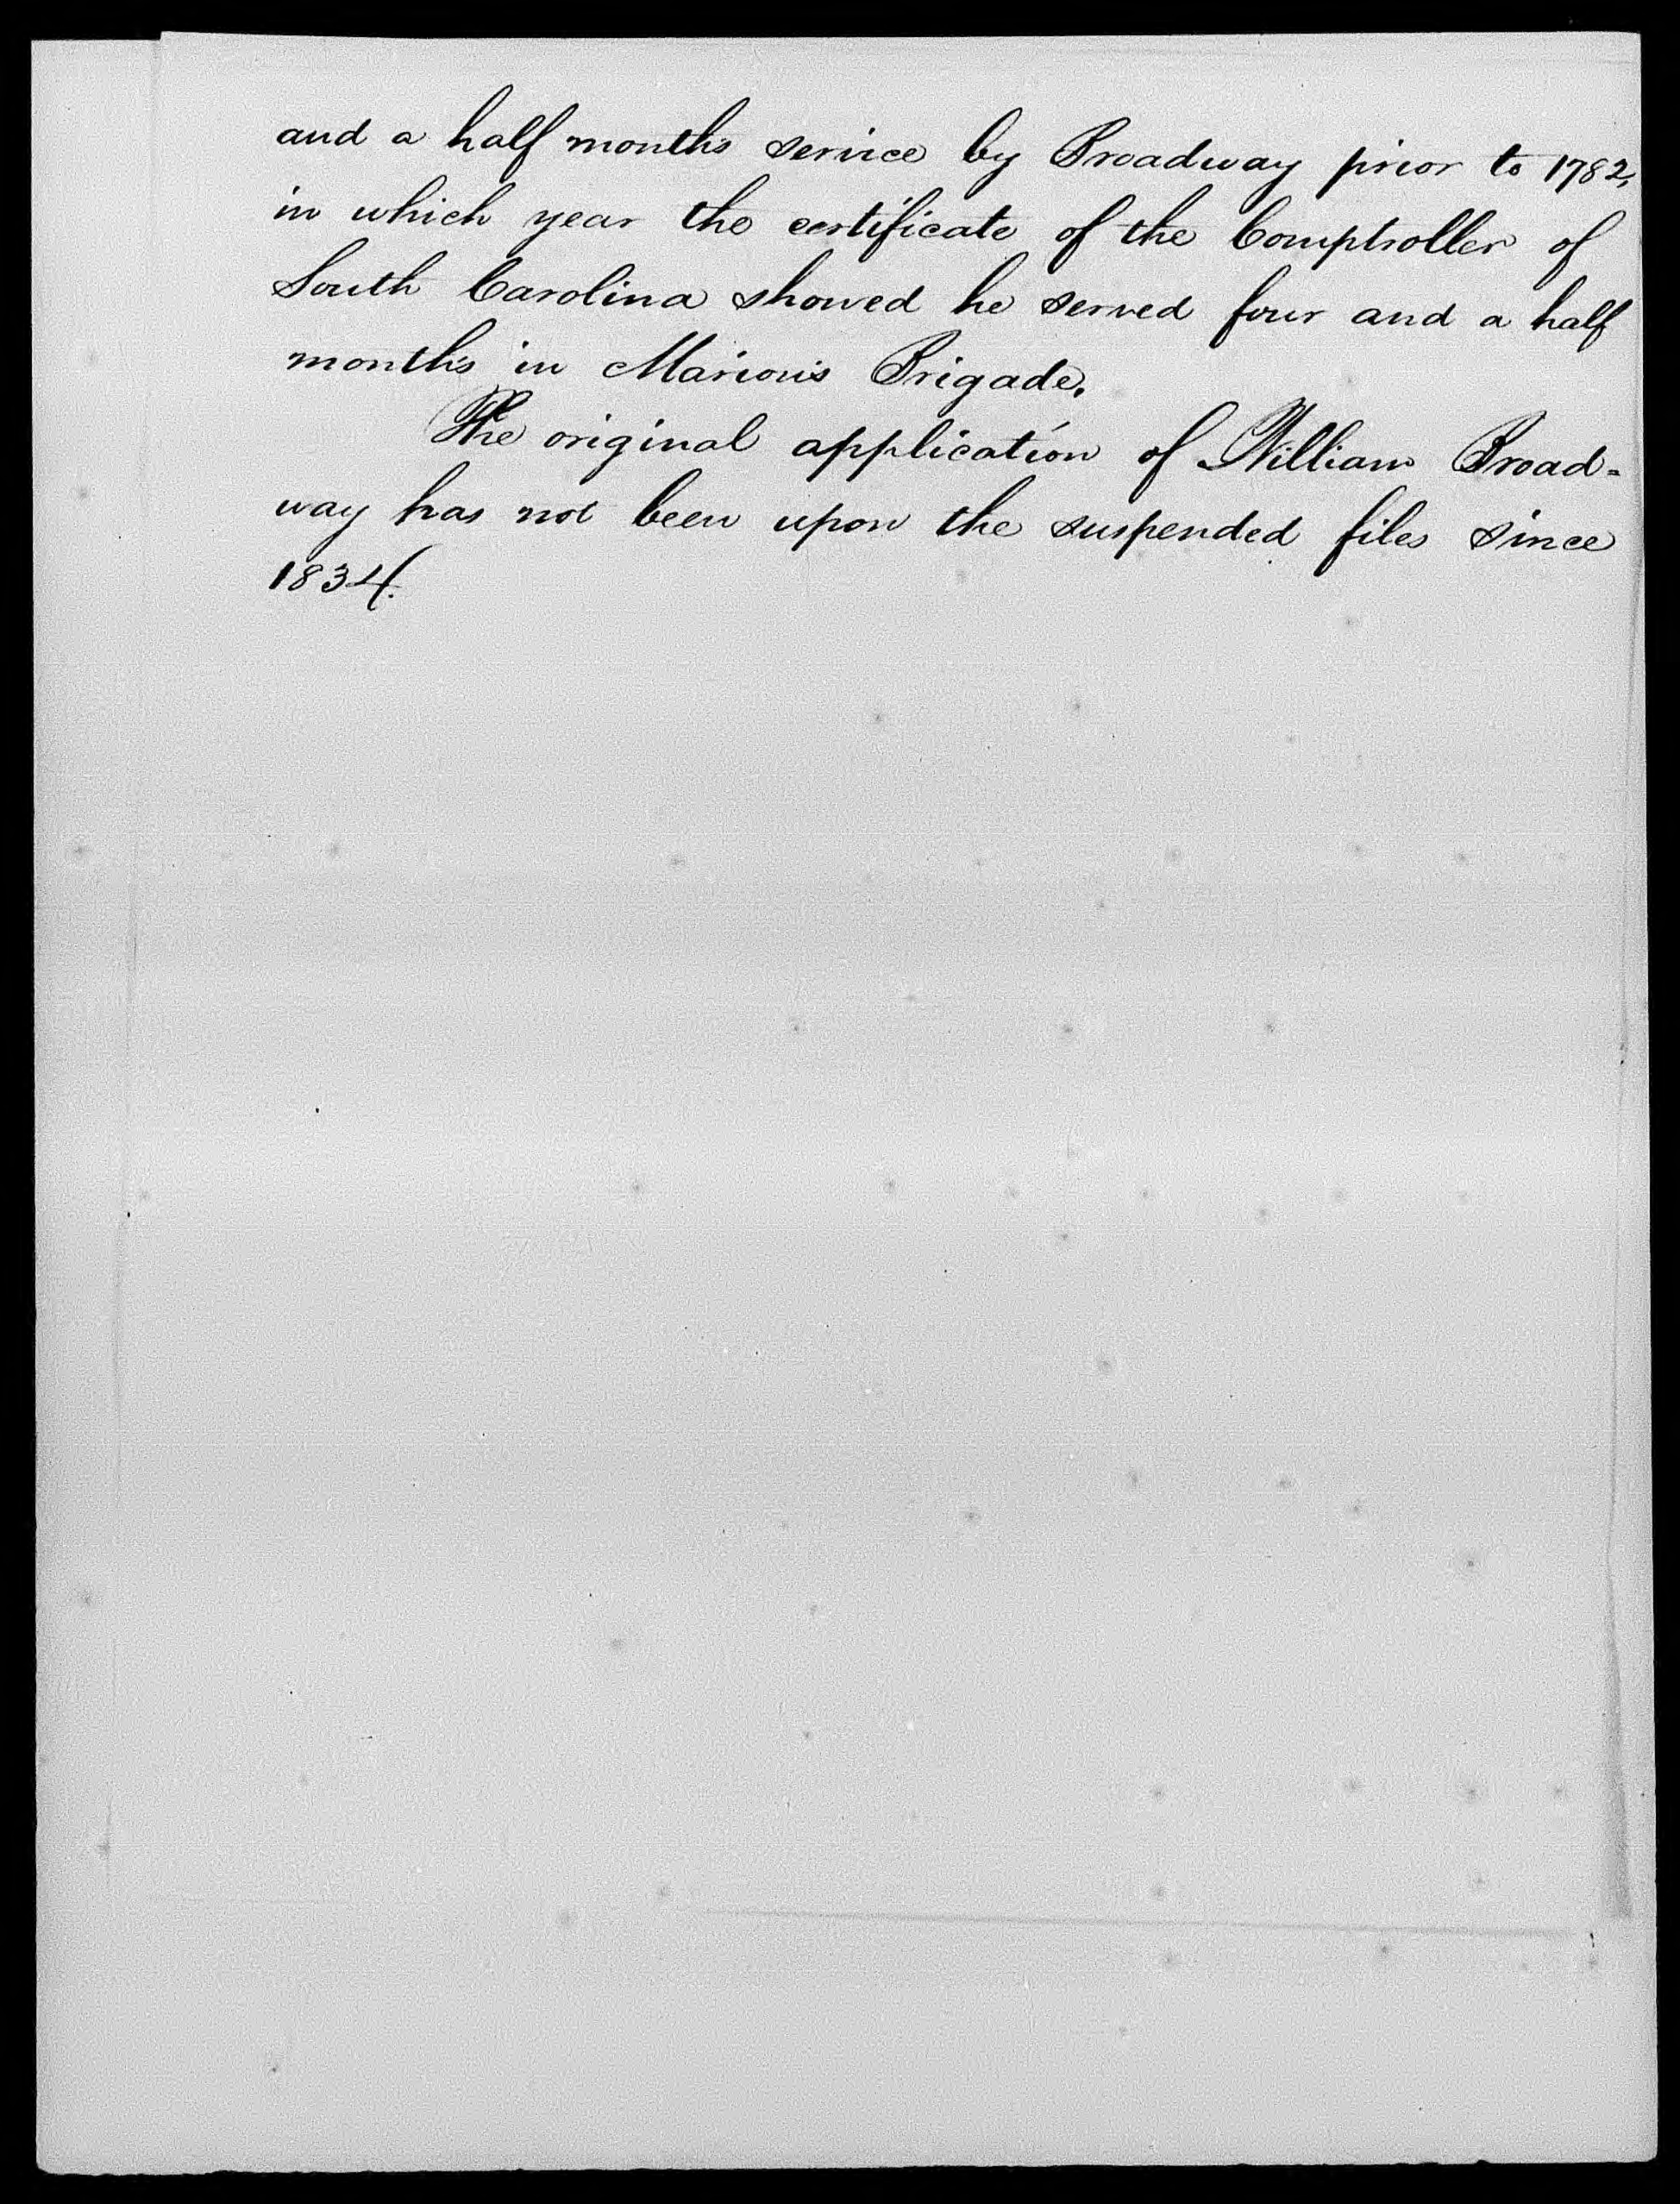and a half month's service by Broadway prior to 1782, in which year the certificate of the Comptroller of South Carolina showed he served four and a half month's in Marion's Brigade.
The original application of William Broadway has not been upon the suspended files since 1834.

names: William Broadway, Broadway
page: 90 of 98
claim: widow's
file: W. 8398, William Broadway, S.C.